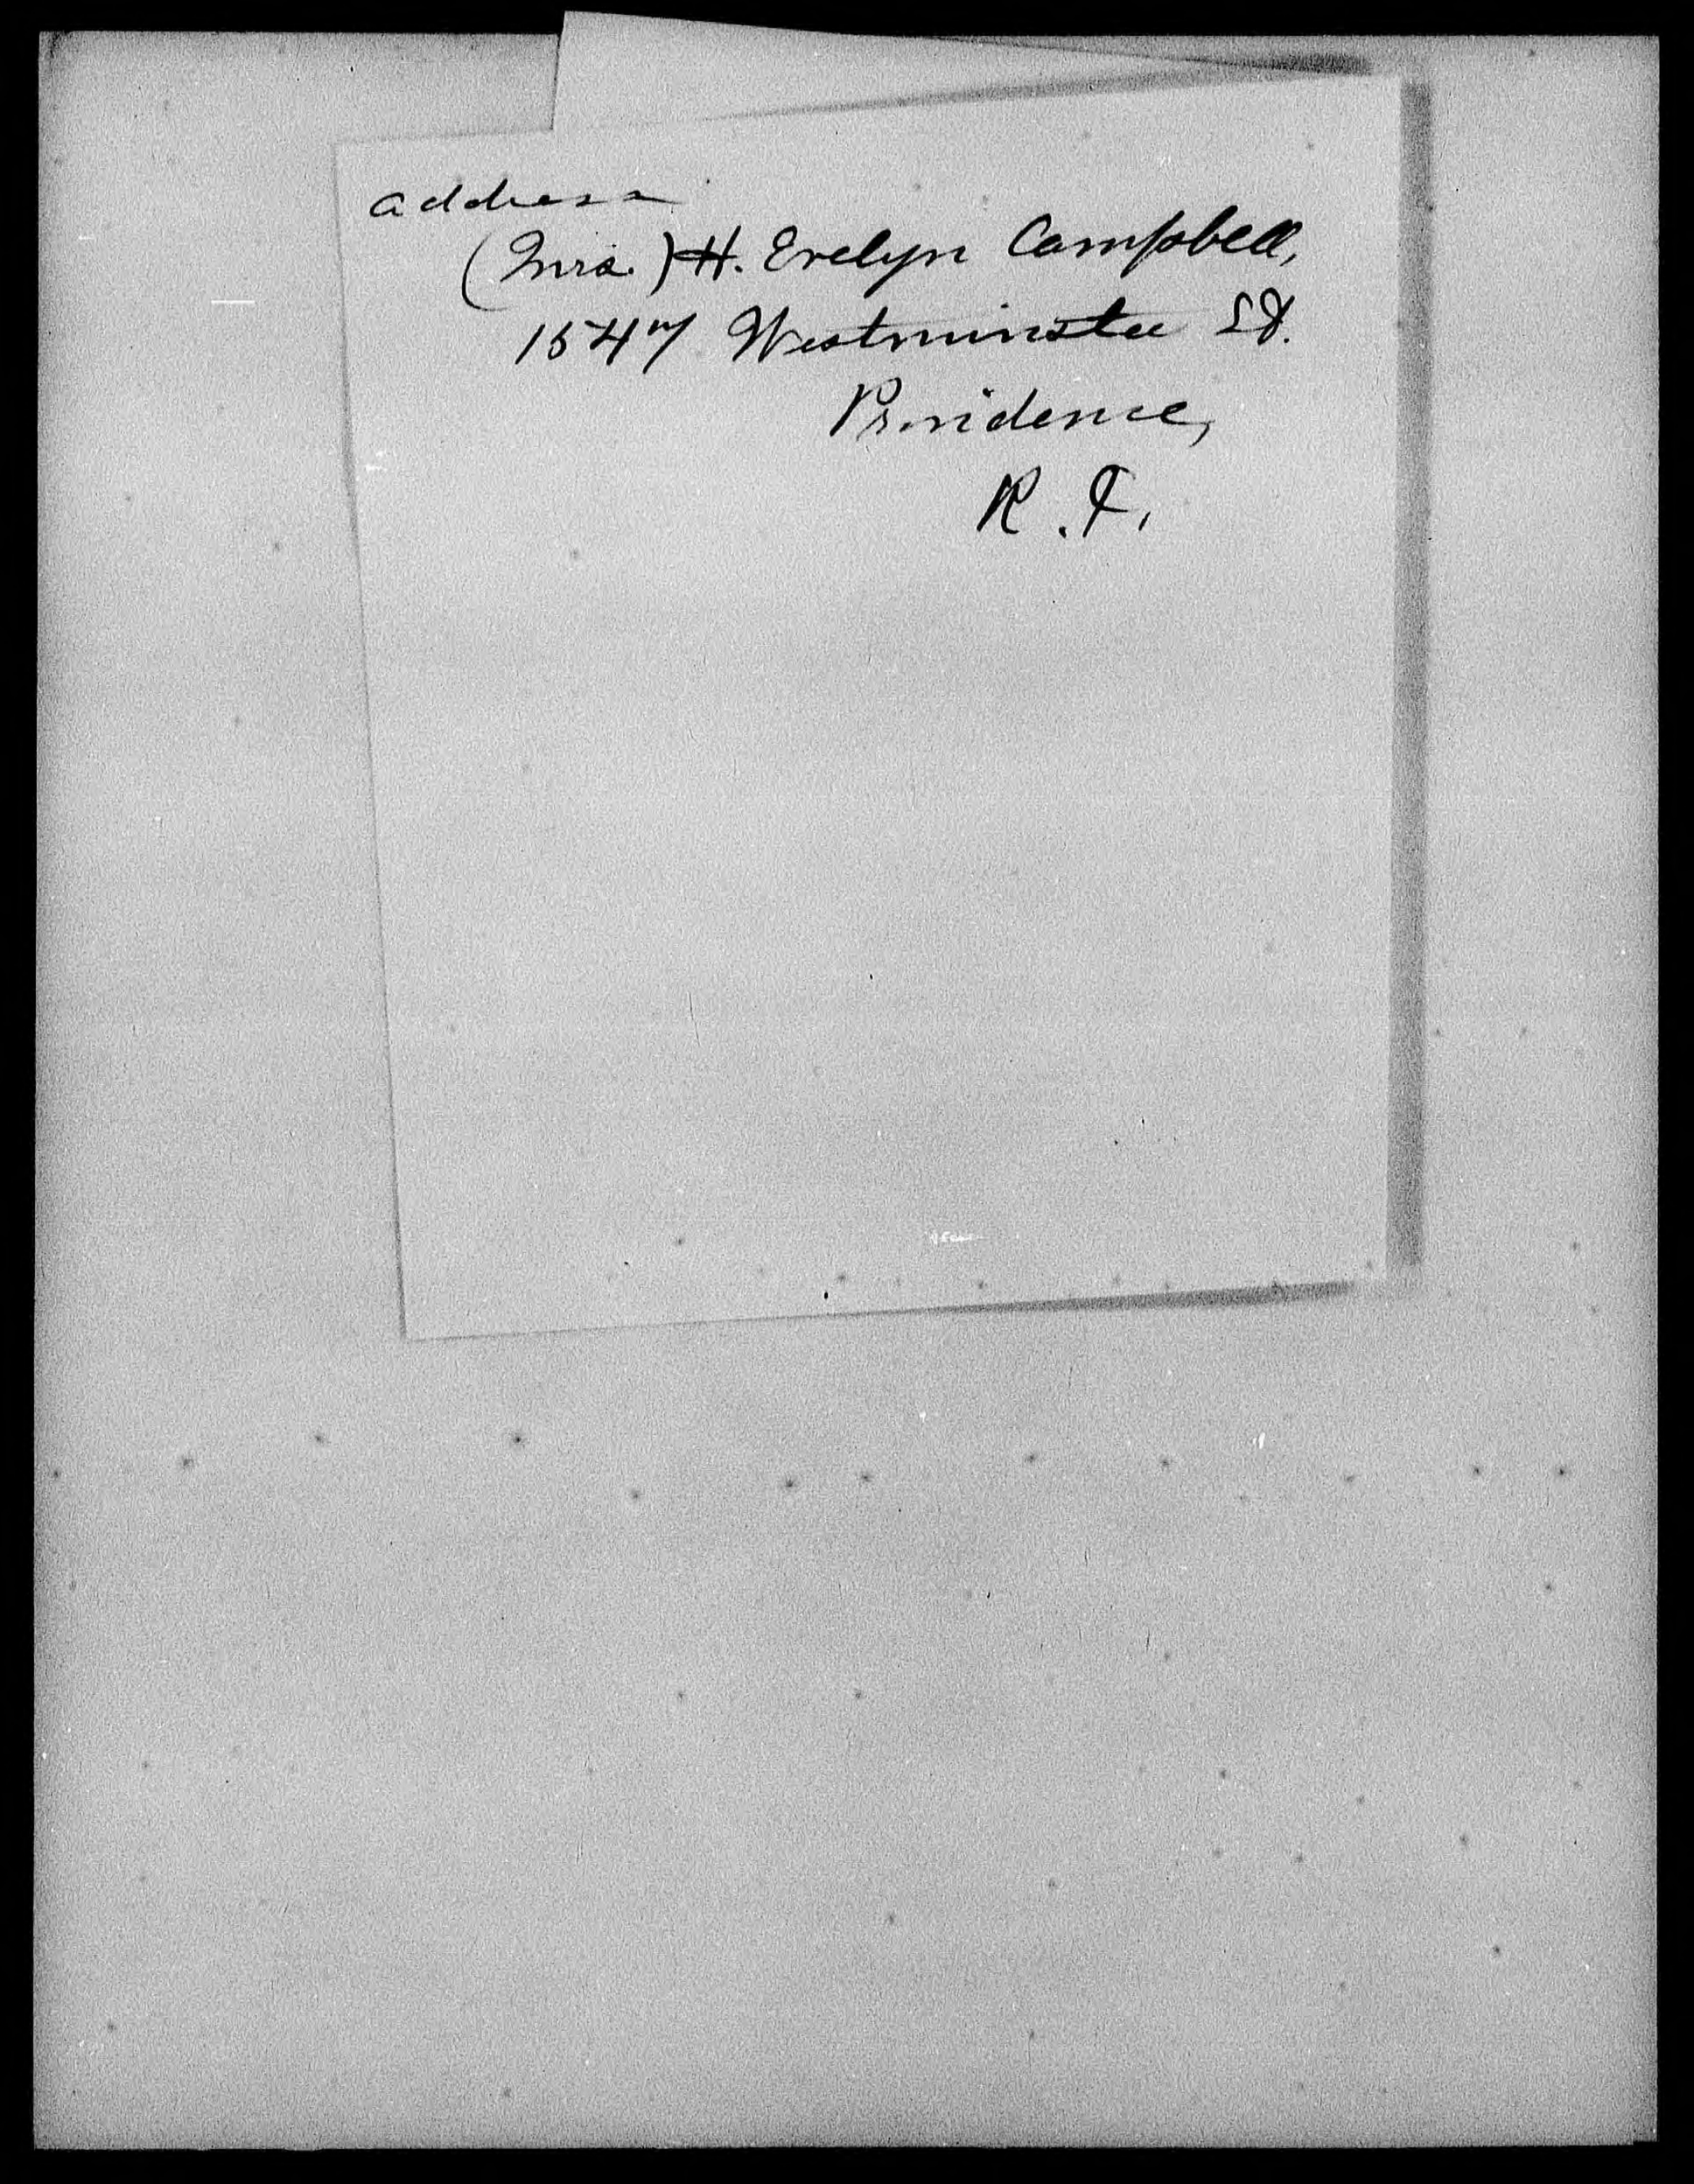address
(Mrs.) H. Evelyn Campbell,
1547 Westminster St.
Providence,
R.I.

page: 19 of 27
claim: survivor's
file: S. 21,516, for Nathan Straight, Rhode Island